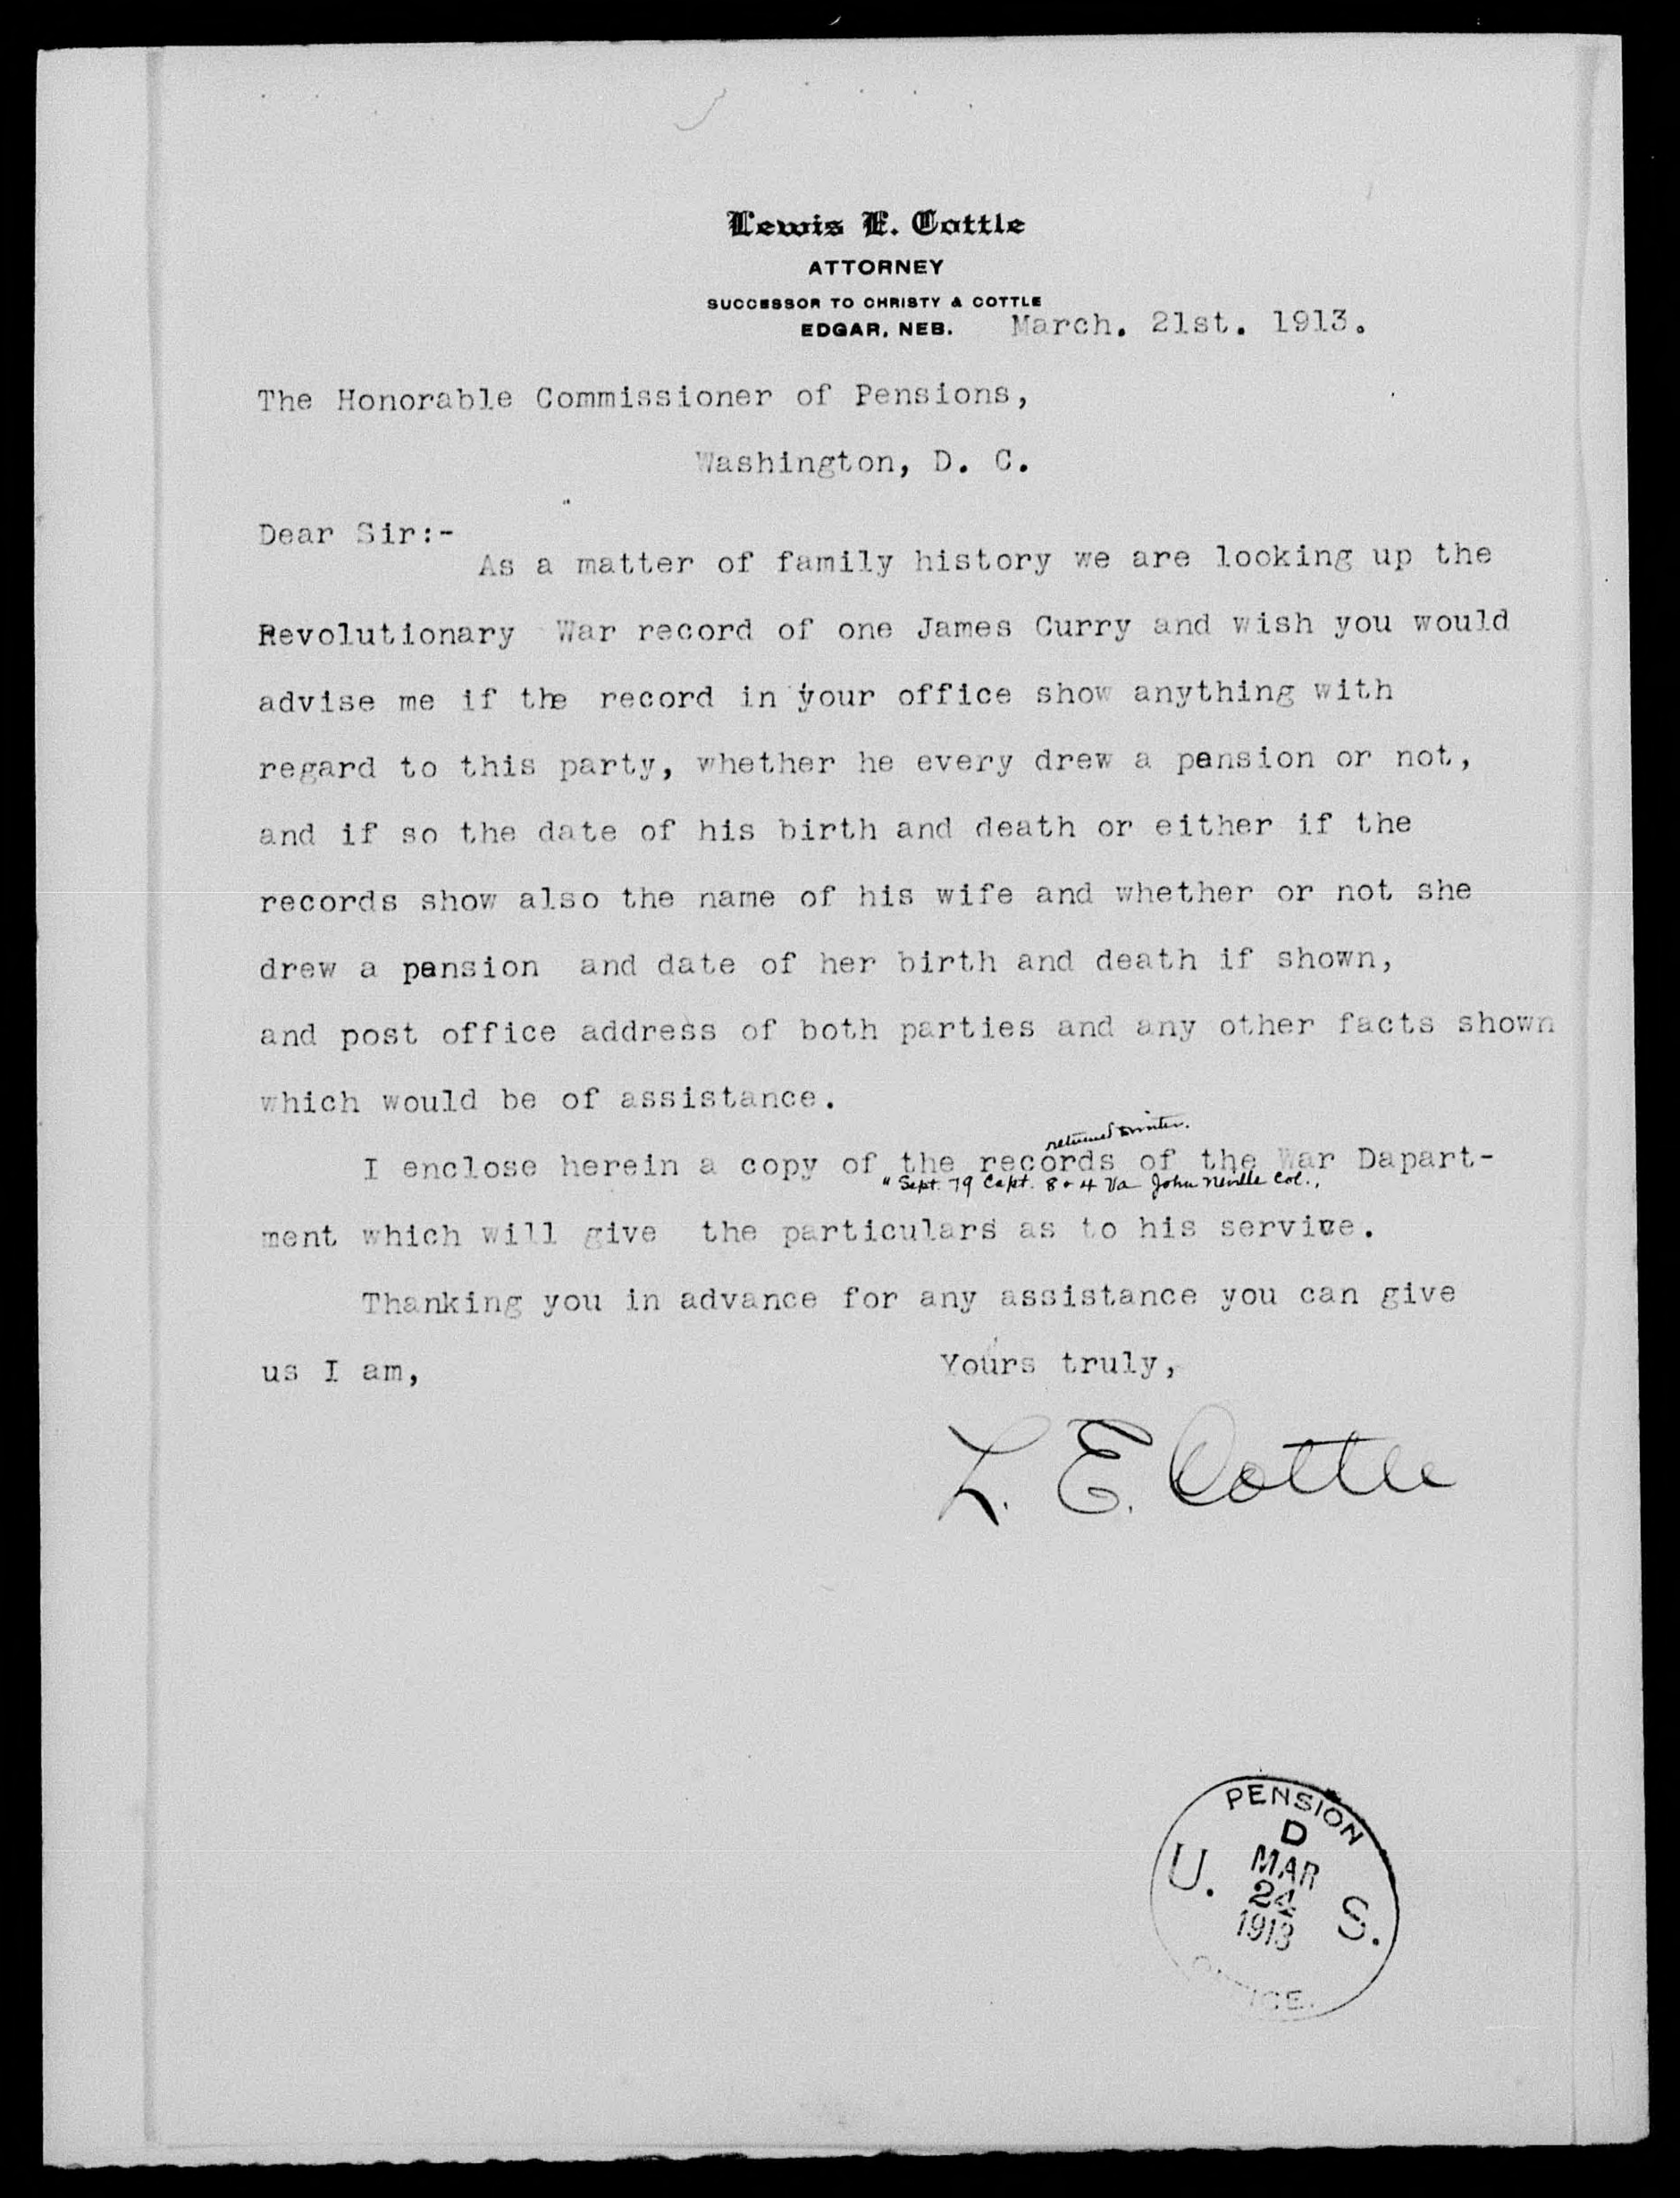Lewis E. Cottle
ATTORNEY
SUCCESSOR TO CHRISTY A COTTLE
EDGAR, NEB. March 21st, 1913.
The Honorable Commissioner of Pensions,
Washington, D. C.
Dear Sir: -
As a matter of family history we are looking up the
Revolutionary War record of one James Curry and wish you would
advise me if the record in your office show anything with
regard to this party, whether he every drew a pension or not,
and if so the date of his birth and death or either if the
records show also the name of his wife and whether or not she
drew a pension and date of her birth and death if shown,
and post office address of both parties and any other facts shown
which would be of assistance.
I enclose herein a copy of the records [illegible] of the War Dapartment[Department]
Sept. 79 Capt. 8 & 4 Va John Neville Col.   
which will give the particulars as to his service.
Thanking you in advance for any assistance you can give us
I am, 
Yours truly,
L. E. Cottle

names: James Curry, L E Cottle, Lewis E Cottle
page: 26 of 32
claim: survivor's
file: S. 44230, James Curry, Va.